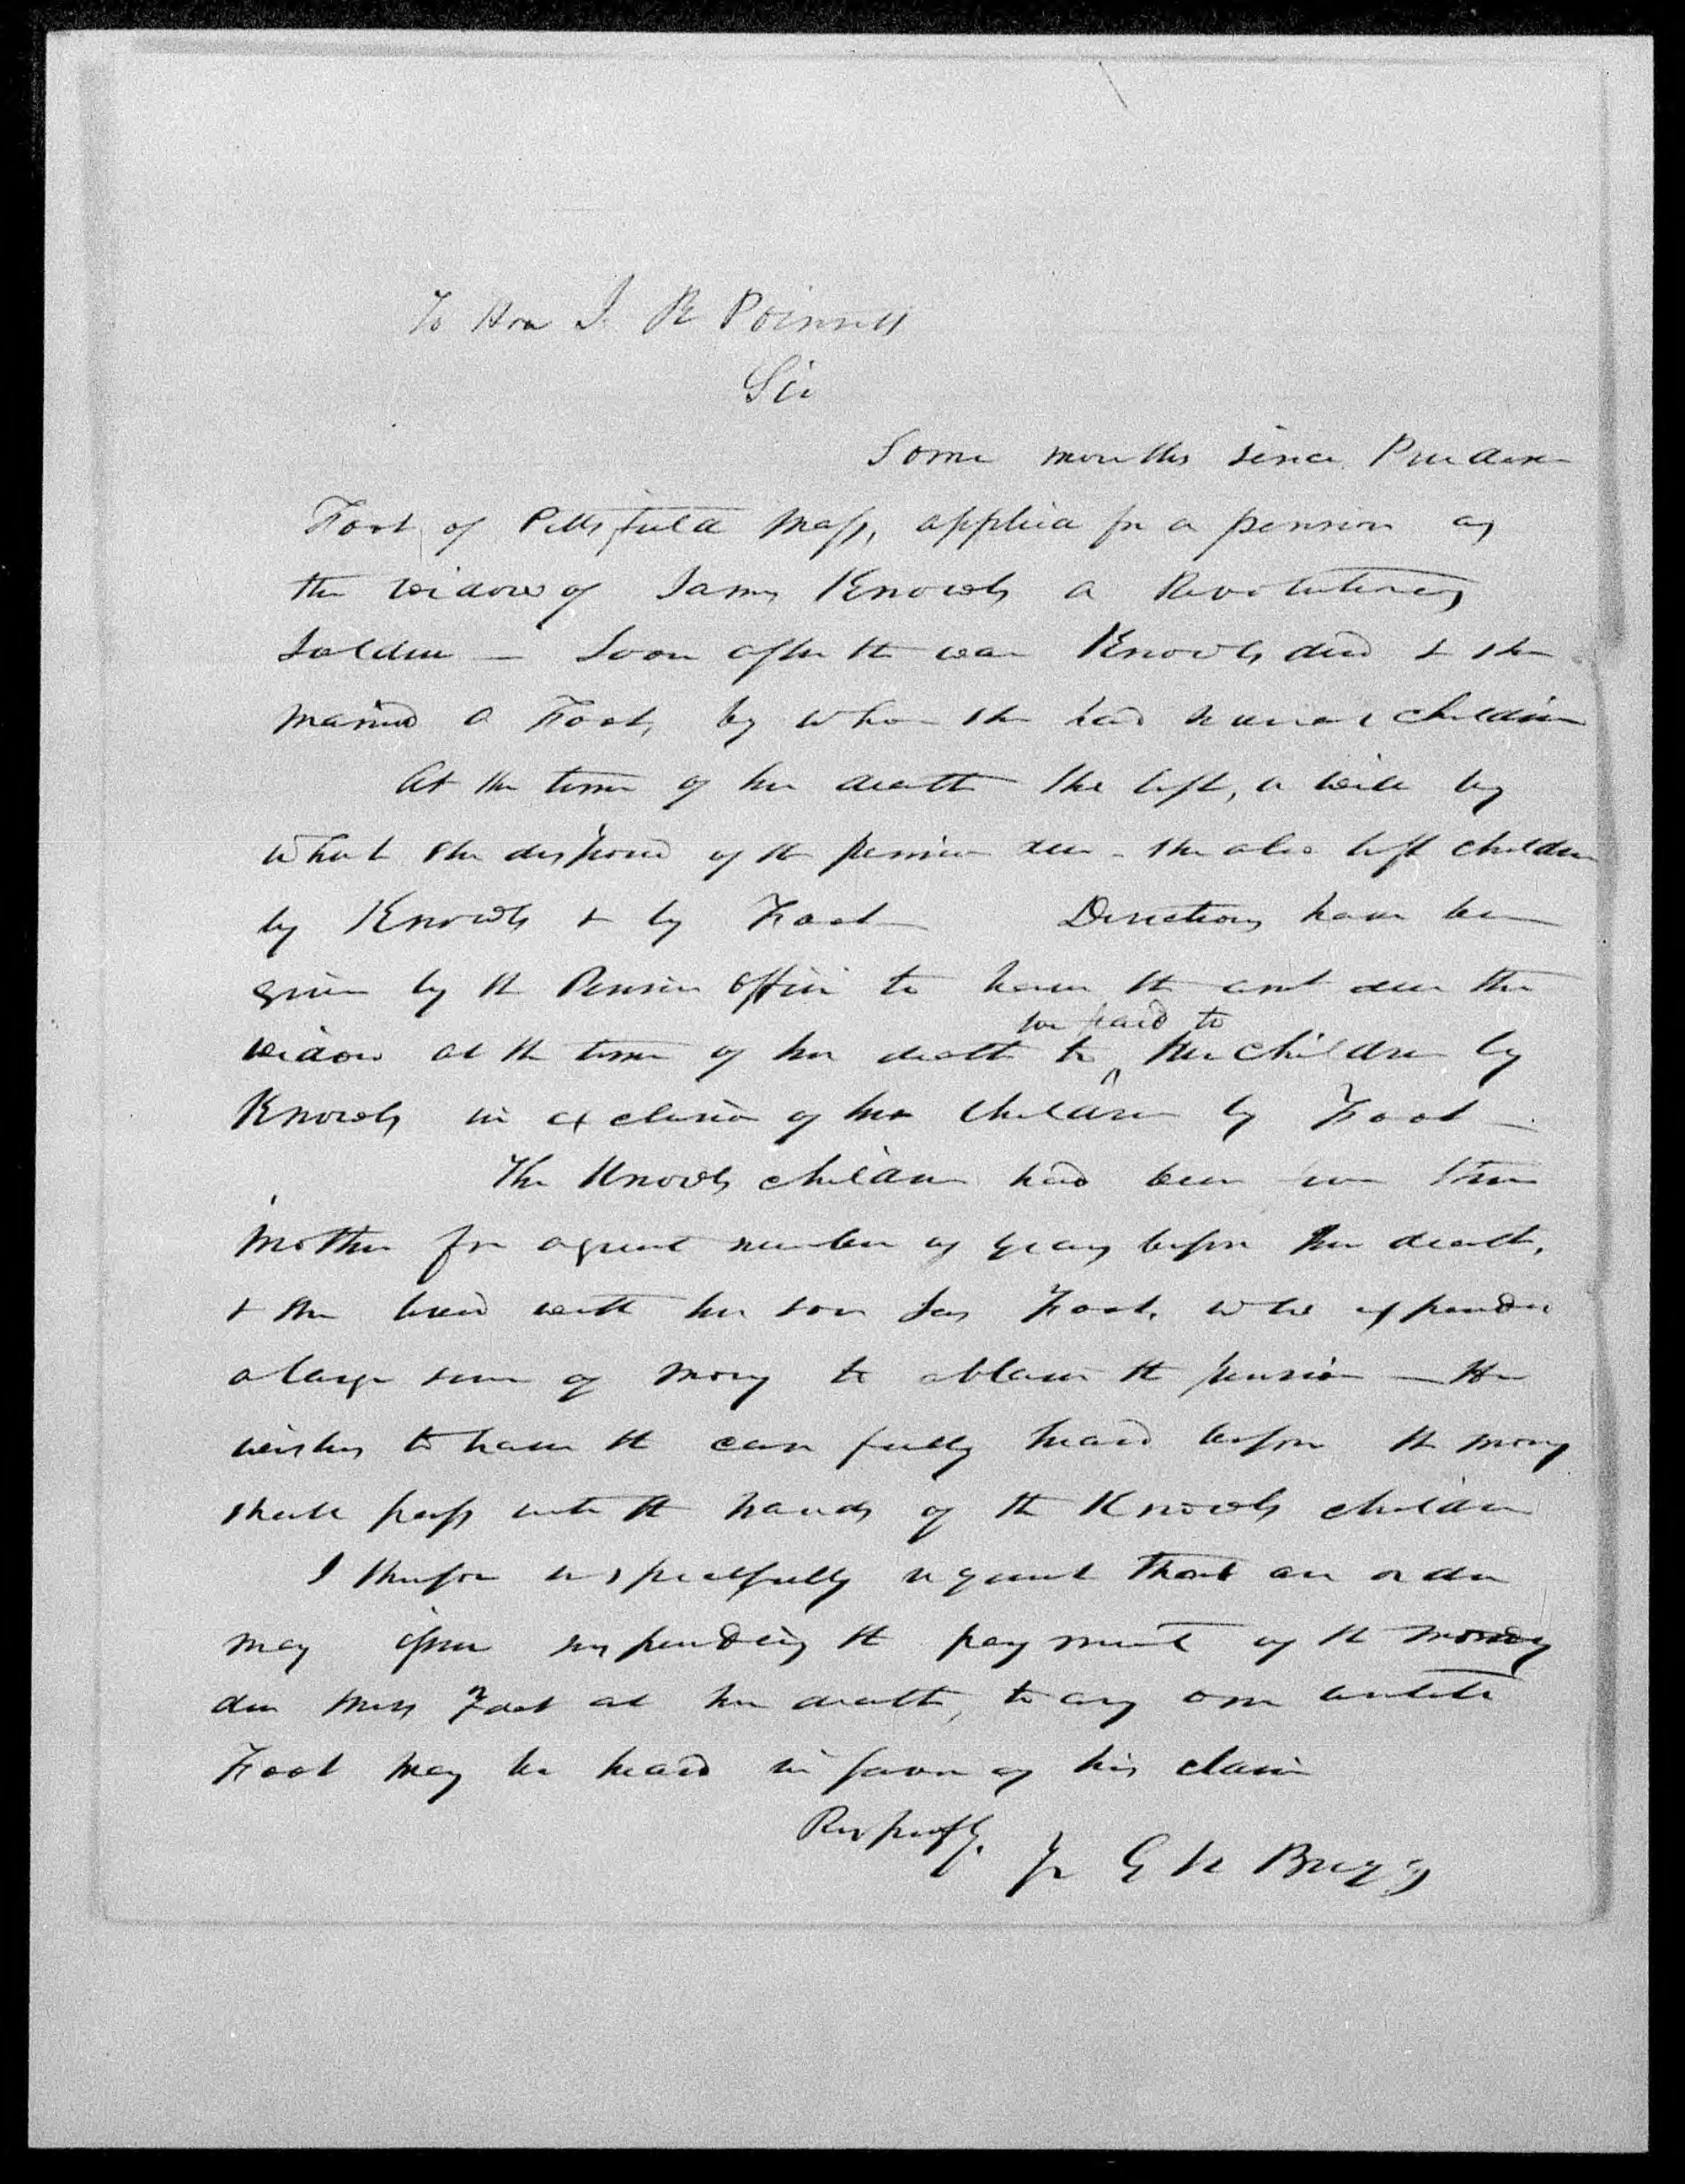To Hon J. R. Poinsett
Sir
Some months since Prudence Foot of Pittsfield Mass. applied for a pension as the widow of James Knowles a Revolutionary Soldier--Soon after the war Knowles died & she married a Foot, by whom she had several children.
At the time of her death she left, a will by which she disposes of the pension due--she also left children by Knowles & by Foot. Directions have been given by the Pension Office to honor the amt due the widow the time of her death to be paid to the children by Knowles in exclusion of her children by Foot--
The Knowles children had been from their mother for a great number of years before her death, & she  lived with her son Jas Foot who expended a large sum of money to obtain the pension---He wishes to have it carefully heard before the money shall pass into the hands of the Knowles children.
I therefore respectfully request that an order may issue impounding the payment of the money due Miss Foot at her death, to any one until Foot may be heard in favor of his claim
Respectfully,
 Yr G N Briggs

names: J R Poinsett; Prudence Foot; G N Briggs; James Knowles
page: 41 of 60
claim: widow's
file: W. 14,036, for James Knowles, Connecticut